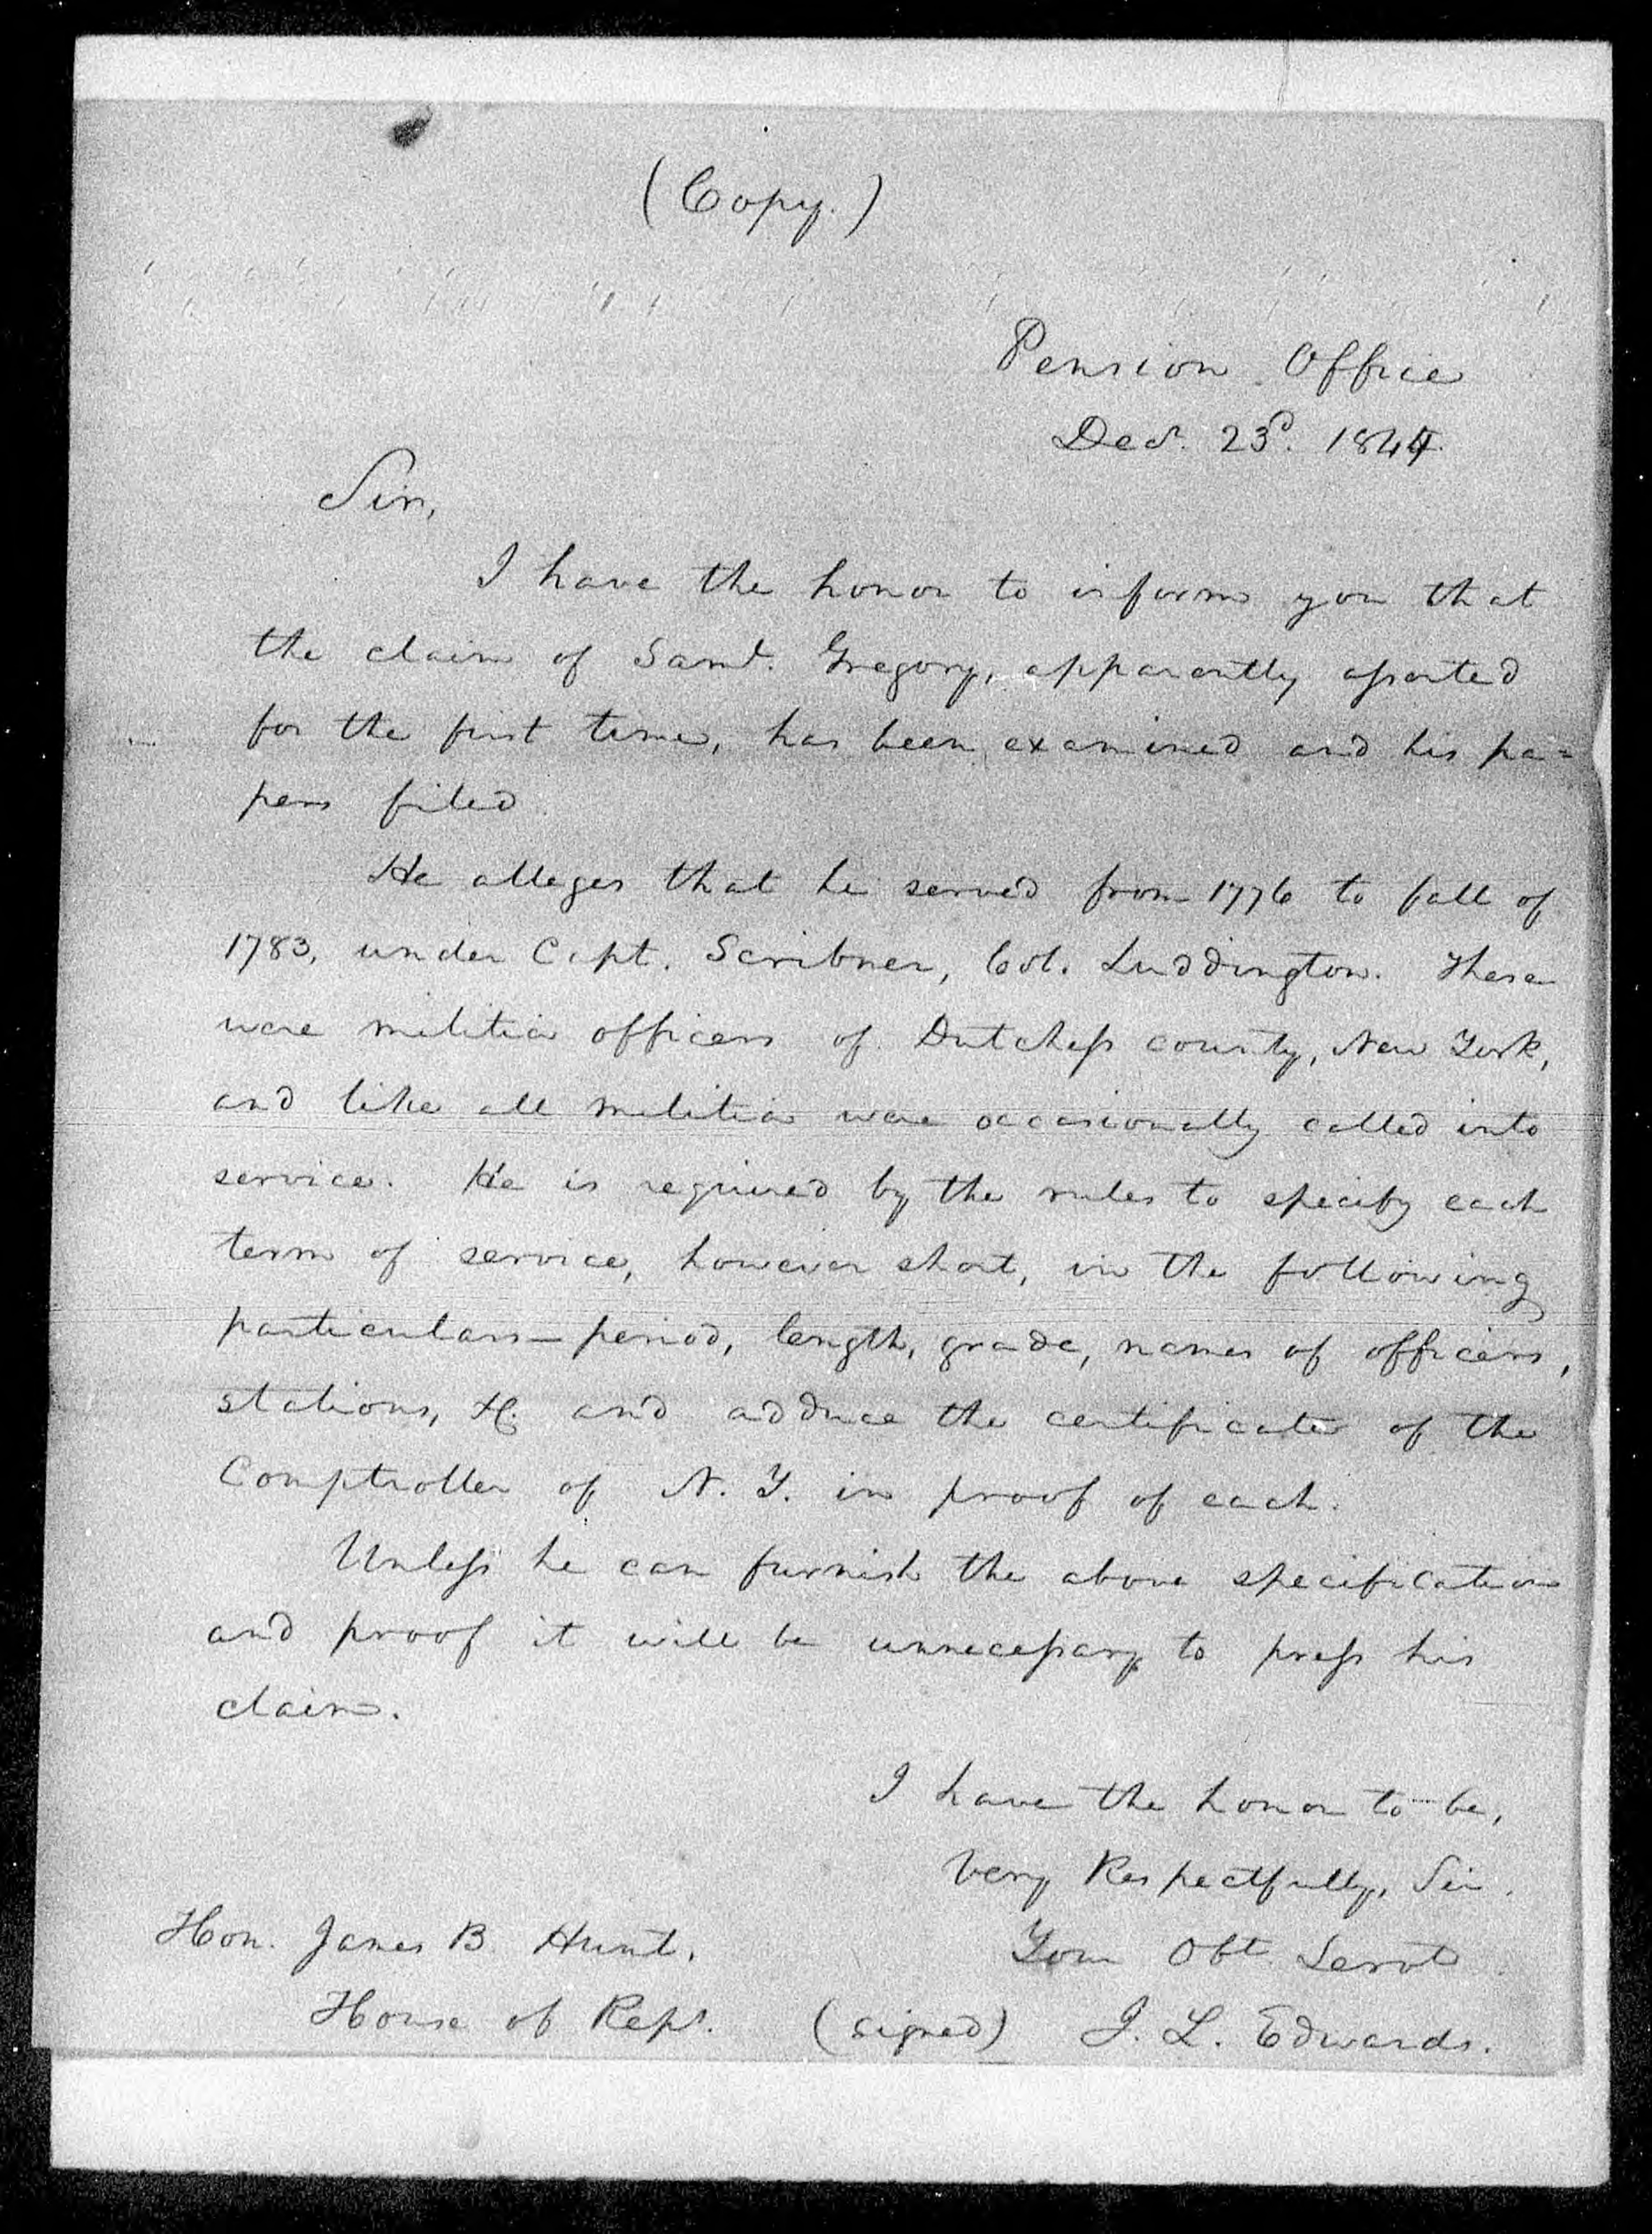(Copy)

Pension Office
Dec 23rd 1844

Sir

I have the honor to inform you that the claim of Saml Gregory apparently updated for the first time, has been examined and his papers filed.

He alleges that he served from 1776 to fall of 1783. under Capt. Scribner, Col Ludington. They were militia officers of Dutchess county, New York, and like all militia were occasionally called into service. He is required by the rules to specify each term of service, however short, in the following particular period, length, grade, names of officers, stations, and adduce the certificate of the comptroller of N.Y. in proof of each.

Unless he can furnish the above specification as proof it will be unnecessary to press his claim.

I have the honor to be,
very respectfully, sir
your obt servt
(signed) J.L. Edwards.

Hon. James B. Hunt.
House of Reps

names: James B Hunt, Scribner, Saml Gregory, Luddington, J L Edwards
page: 52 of 66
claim: rejected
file: R. 4298, Samuel Gregory, New York